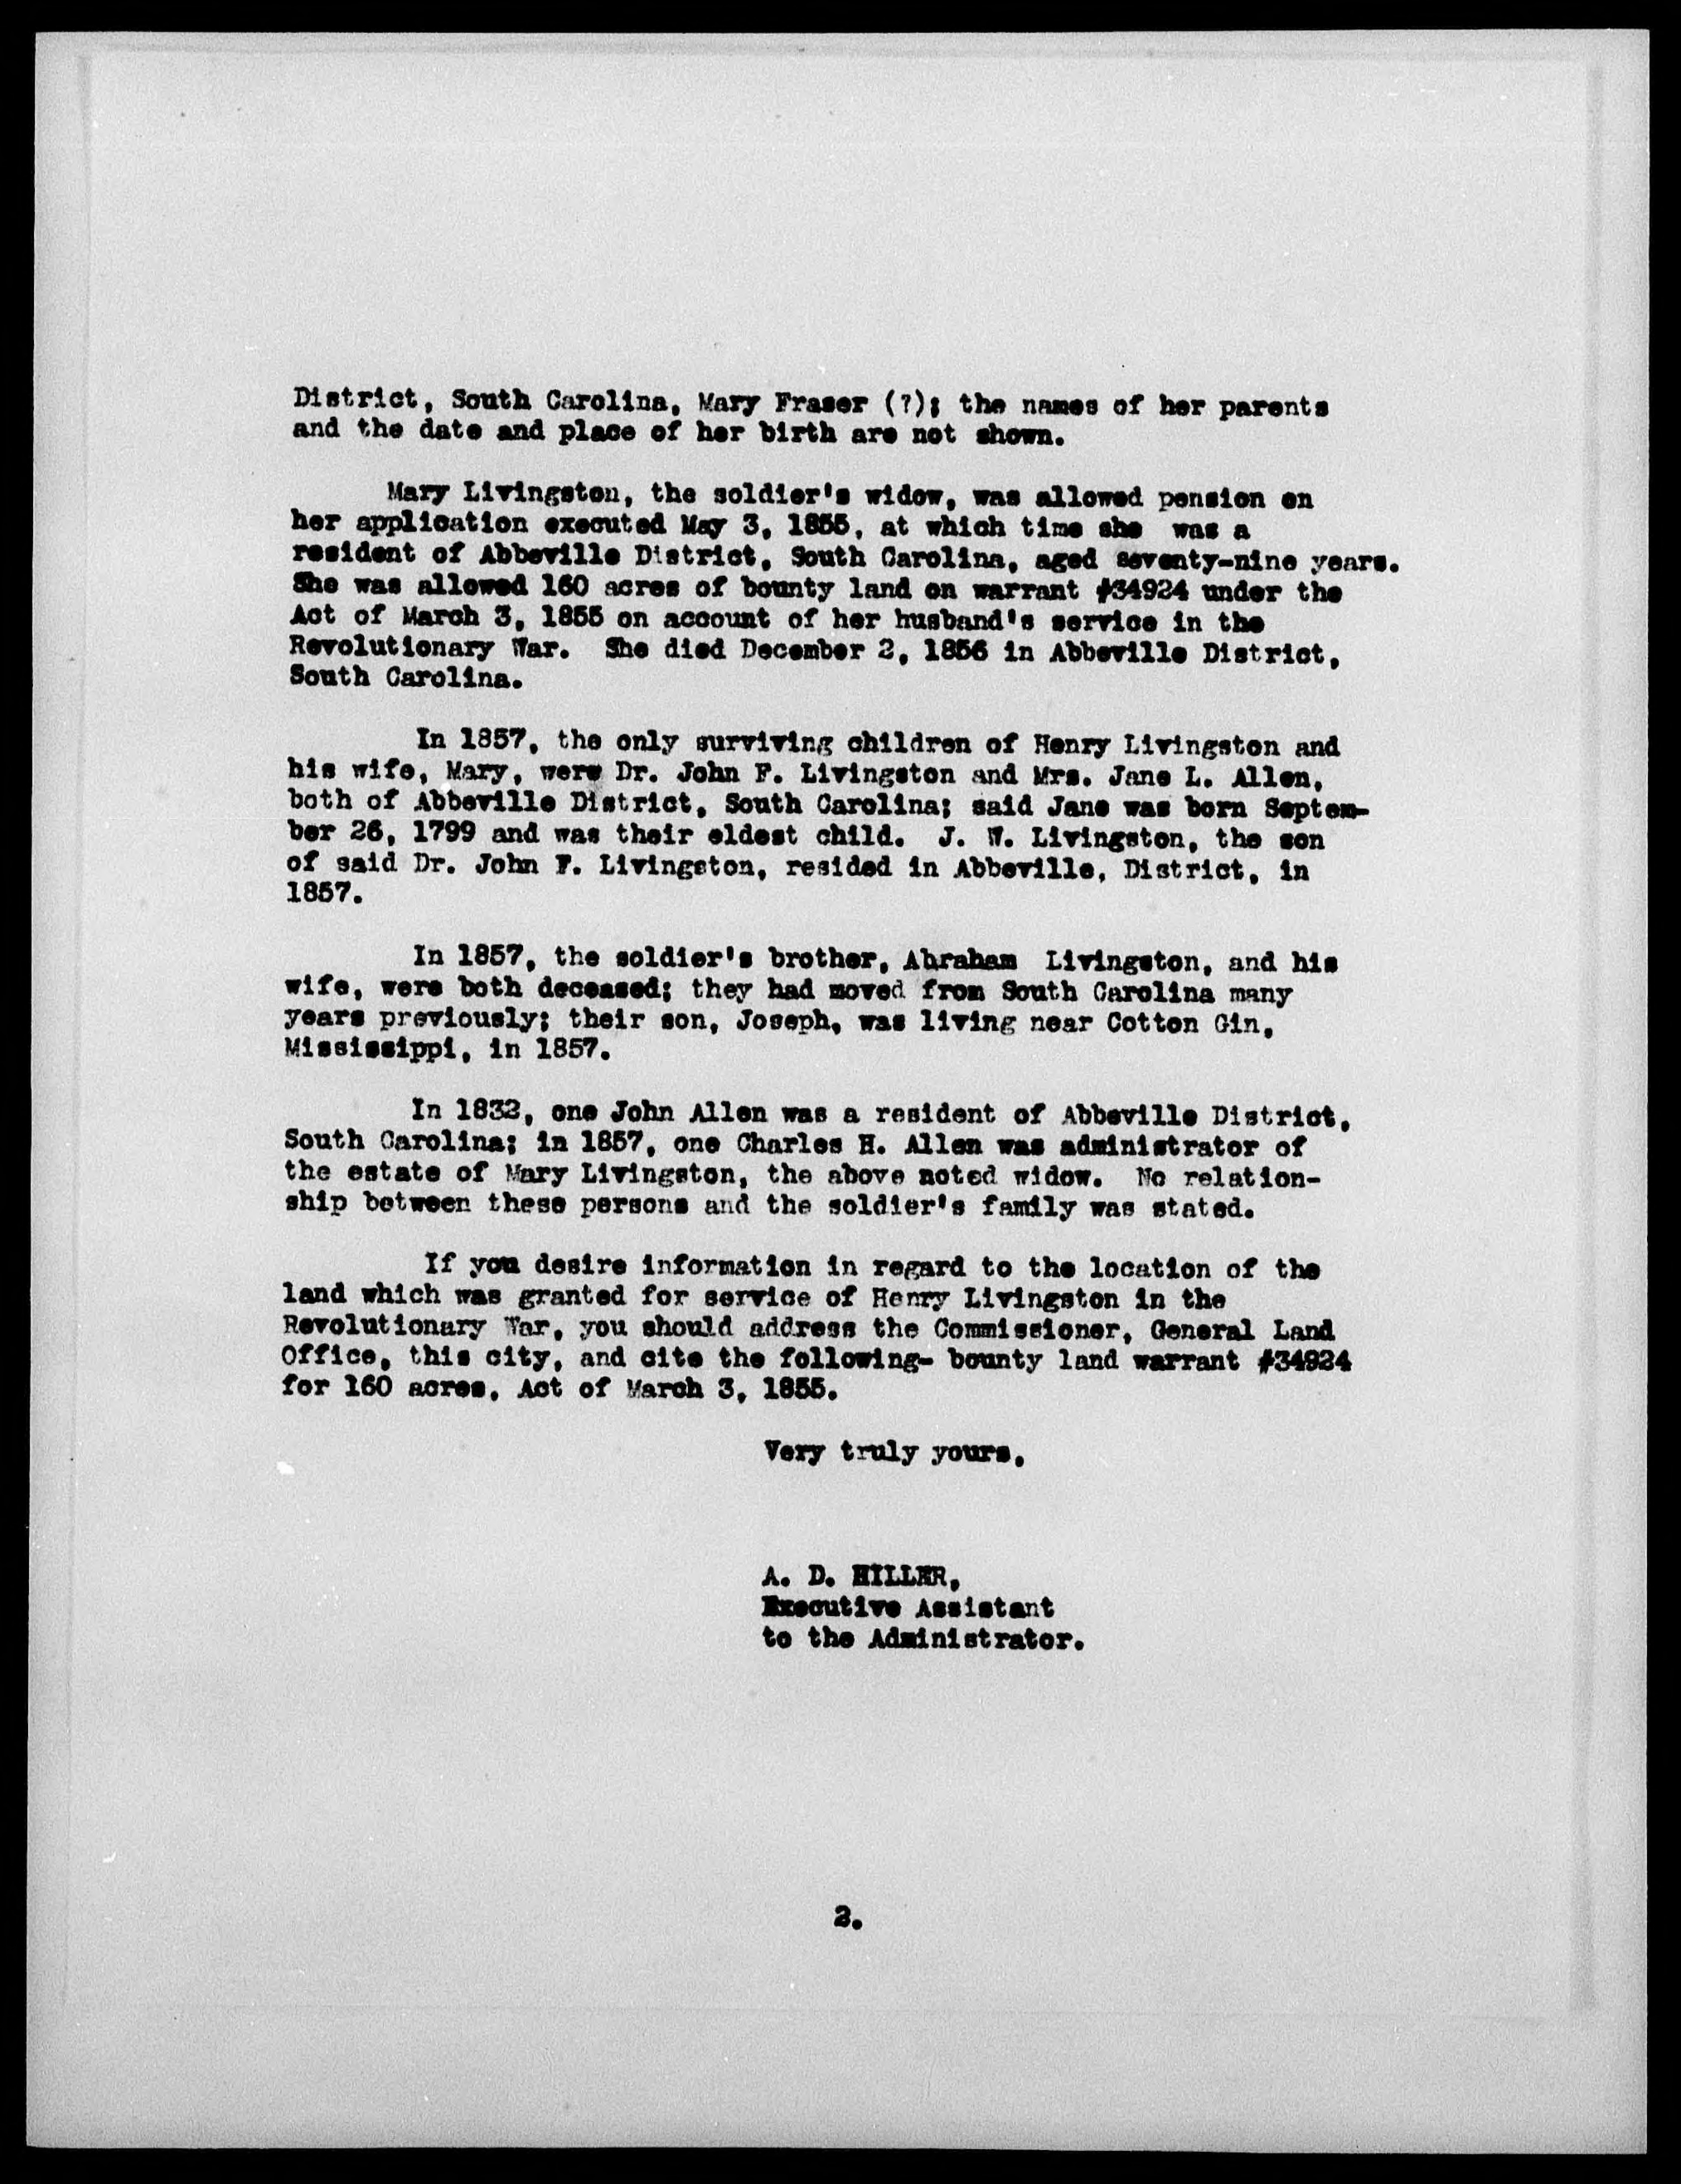District, South Carolina, are Fraser (?); the names of her parents and the date and place of her birth are not shown.

Mary Livingston, the soldier's widow, was allowed pension on her application executed May 3, 1855, at which time she was a resident of Abbeville District, South Carolina, aged seventy-nine years.  She was allowed 160 acres off bounty land on warrant #34924 under the Act of March 3, 1855 on account of her husband's service in the Revolutionary War.  She died December 2, 1856 in Abbeville District, South Carolina.

In 1857, the only surviving children of Henry Livingston and his wife, Mary, were Dr. John F. Livingston and Mrs. Jane L. Allen, both of Abbeville District, South Carolina; said Jane was born September 16, 1799 and was their eldest child.  J. W. Livingston, the son 
of said Dr. John F Livingston, resided in Abbeville District, in 1857.

In 1857, the soldier's brother, Abraham Livingston, and his wife, were both deceased; they had moved from South Carolina many years previously; their  son, Joseph, was living near Cotton Gin, Mississippi, in 1857.

In 1832, one John Allen was a resident of Abbeville District, South Carolina; in 1857, one Charles H. Allen was administrator of the estate of Mary Livingston, the above noted widow..  No relationship between these persons and the soldier's was stated.


If you desire information in regard to the location of the land which was granted for service of Henry Livingston in the Revolutionary War, you should address the Commissioner, General Land Office, this city, and cite the following- bounty land warrant #34924 for 160 acres, Act of March 3, 1855.

Very truly yours,

A.D. HILLER,
Executive Assistant 
to the Administrator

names: Mary Fraser; A D Hiller; John Allen; Henry Livingston; Jane L Allen; Charles H Allen; John F Livingston; J W Livingston; Abraham Livingston; Mary Livingston; Joseph [BLANK]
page: 20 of 63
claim: widow's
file: W. 8,049, for Henry Livingston, North Carolina